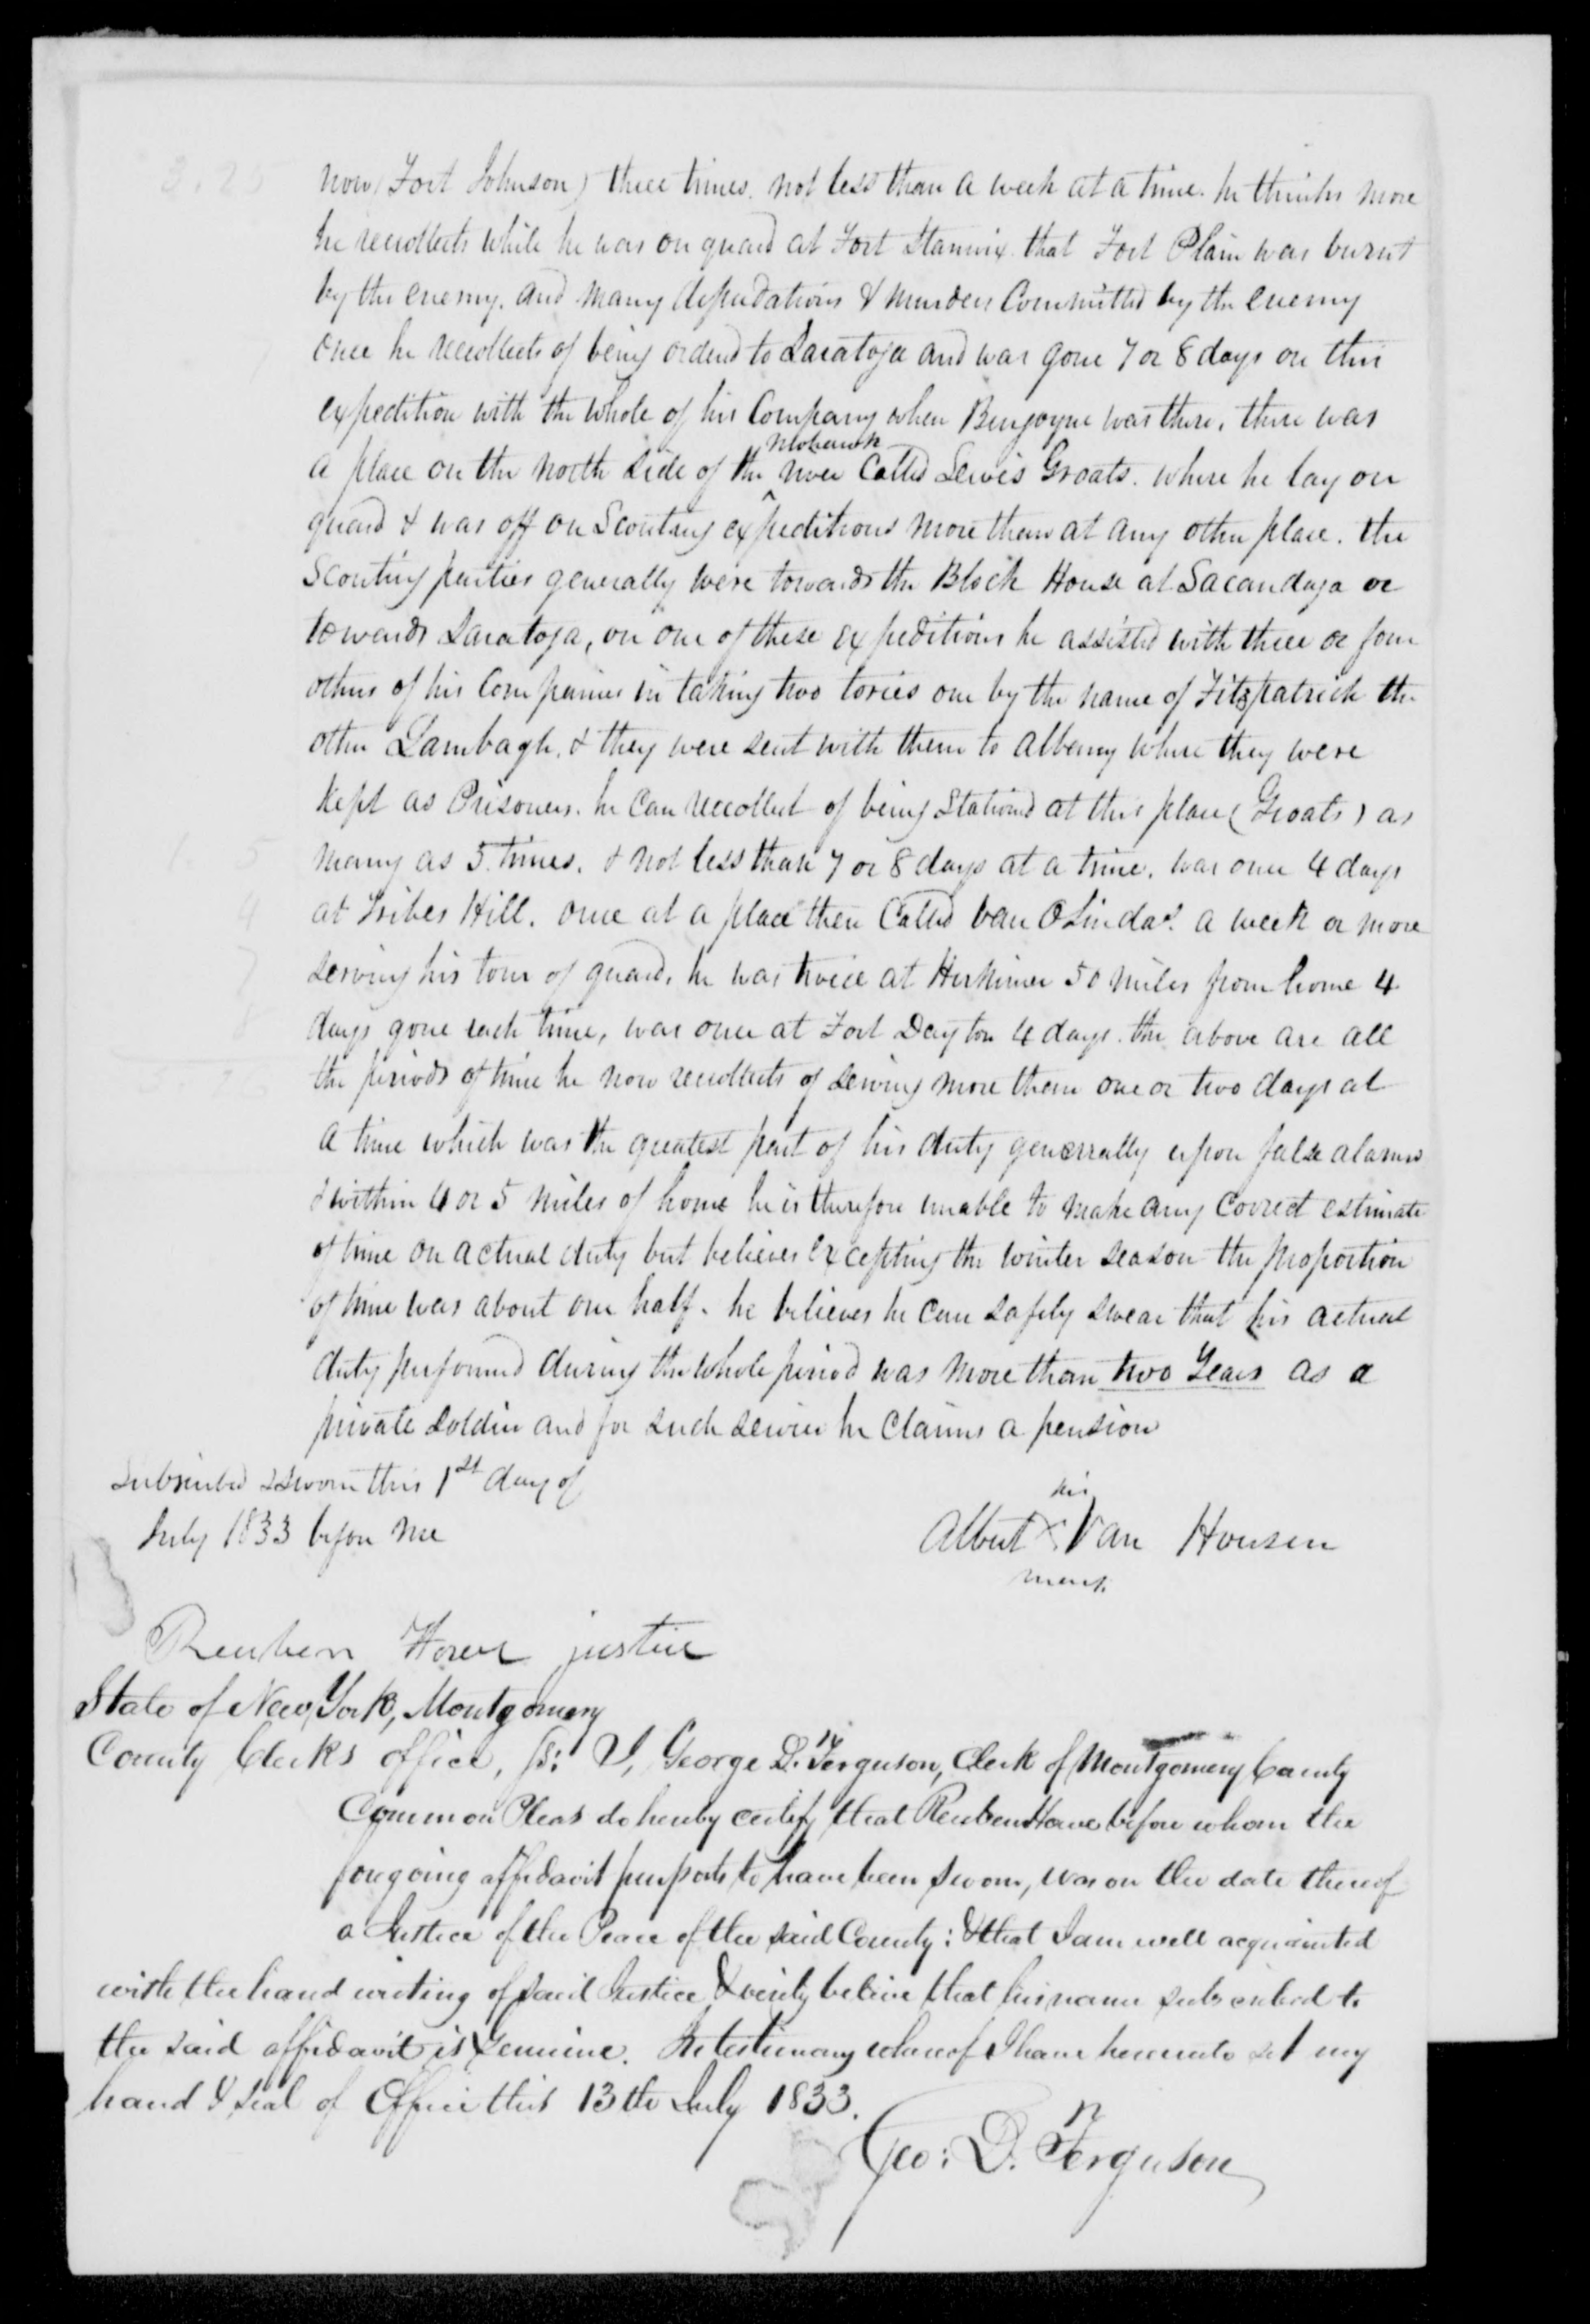now Fort Johnson) three times not less than a week at a time, he thinks more he recollects while he was on guard at Fort Stanwix that Fort Plain was burnt by the enemy, and many depredations & murders committed by the enemy once he recollects of being ordered to Saratoga and was gone 7 or 8 days on this expedition with the whole of his Company when Burgoyne was there, there was a place on the North side of the Mohawk river called Lewis Groats. where he lay on guard & was off on scouting expeditious more than at any other place, the scouting parties generally were towards the Block House at Sacandaga or towards Saratoga, on one of these expeditions he assisted with three or four others of his Companies in taking two tories one by the name of Fitzpatrick the other Lambagh & they were sent with them to Albany where they were kept as Prisoners, he can recollect of being stationed at this place (Groats) as many as 5 times, & not less than 7 or 8 days at a time, was once 4 days at Tribes Hill, once at a place then called Van Olindas a week or more serving his tour of guard, he was twice at Herkimer 50 miles from home 4 days gone each time, was once at Fort Dayton 4 days. the above are all the periods of time he now recollects of serving more than one or two days at a time which was the greatest part of his duty generally upon false alarms & within 4 or 5 miles of home he is therefore unable to make any correct estimate of time on actual duty but believes excepting the winter season the proportion of time was about one half, he believes he can safely swear that his actual duty performed during the whole period was more than two years as a private soldier and for such service he claims a pension 
[signed] Albert Van Housen X his mark
subscribed & sworn this 1st day of July 1833 before me
[signed] Reuben Howe justice

State of New York, Montgomery County Clerks office, ss.  I, George D. Ferguson, Clerk of Montgomery County Common Pleas do hereby certify that Reuben Howe before whom the foregoing affidavit purports to have been sworn, was on the date thereof a Justice of the Peace of the said County; & that I am well acquainted with the hand writing of said Justice, & verily believe that his name subscribed to the said affidavit is Genuine. In testimony whereof I have hereunto set my hand & seal of Office this 13th July 1833. 
[signed] Geo: D. Ferguson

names: George D Ferguson, Lewis Groats, Albert Van Housen, Van Olinda, Groats, Geo D Ferguson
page: 57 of 57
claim: survivor's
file: S. 28,925, Albert Van Housen, New York